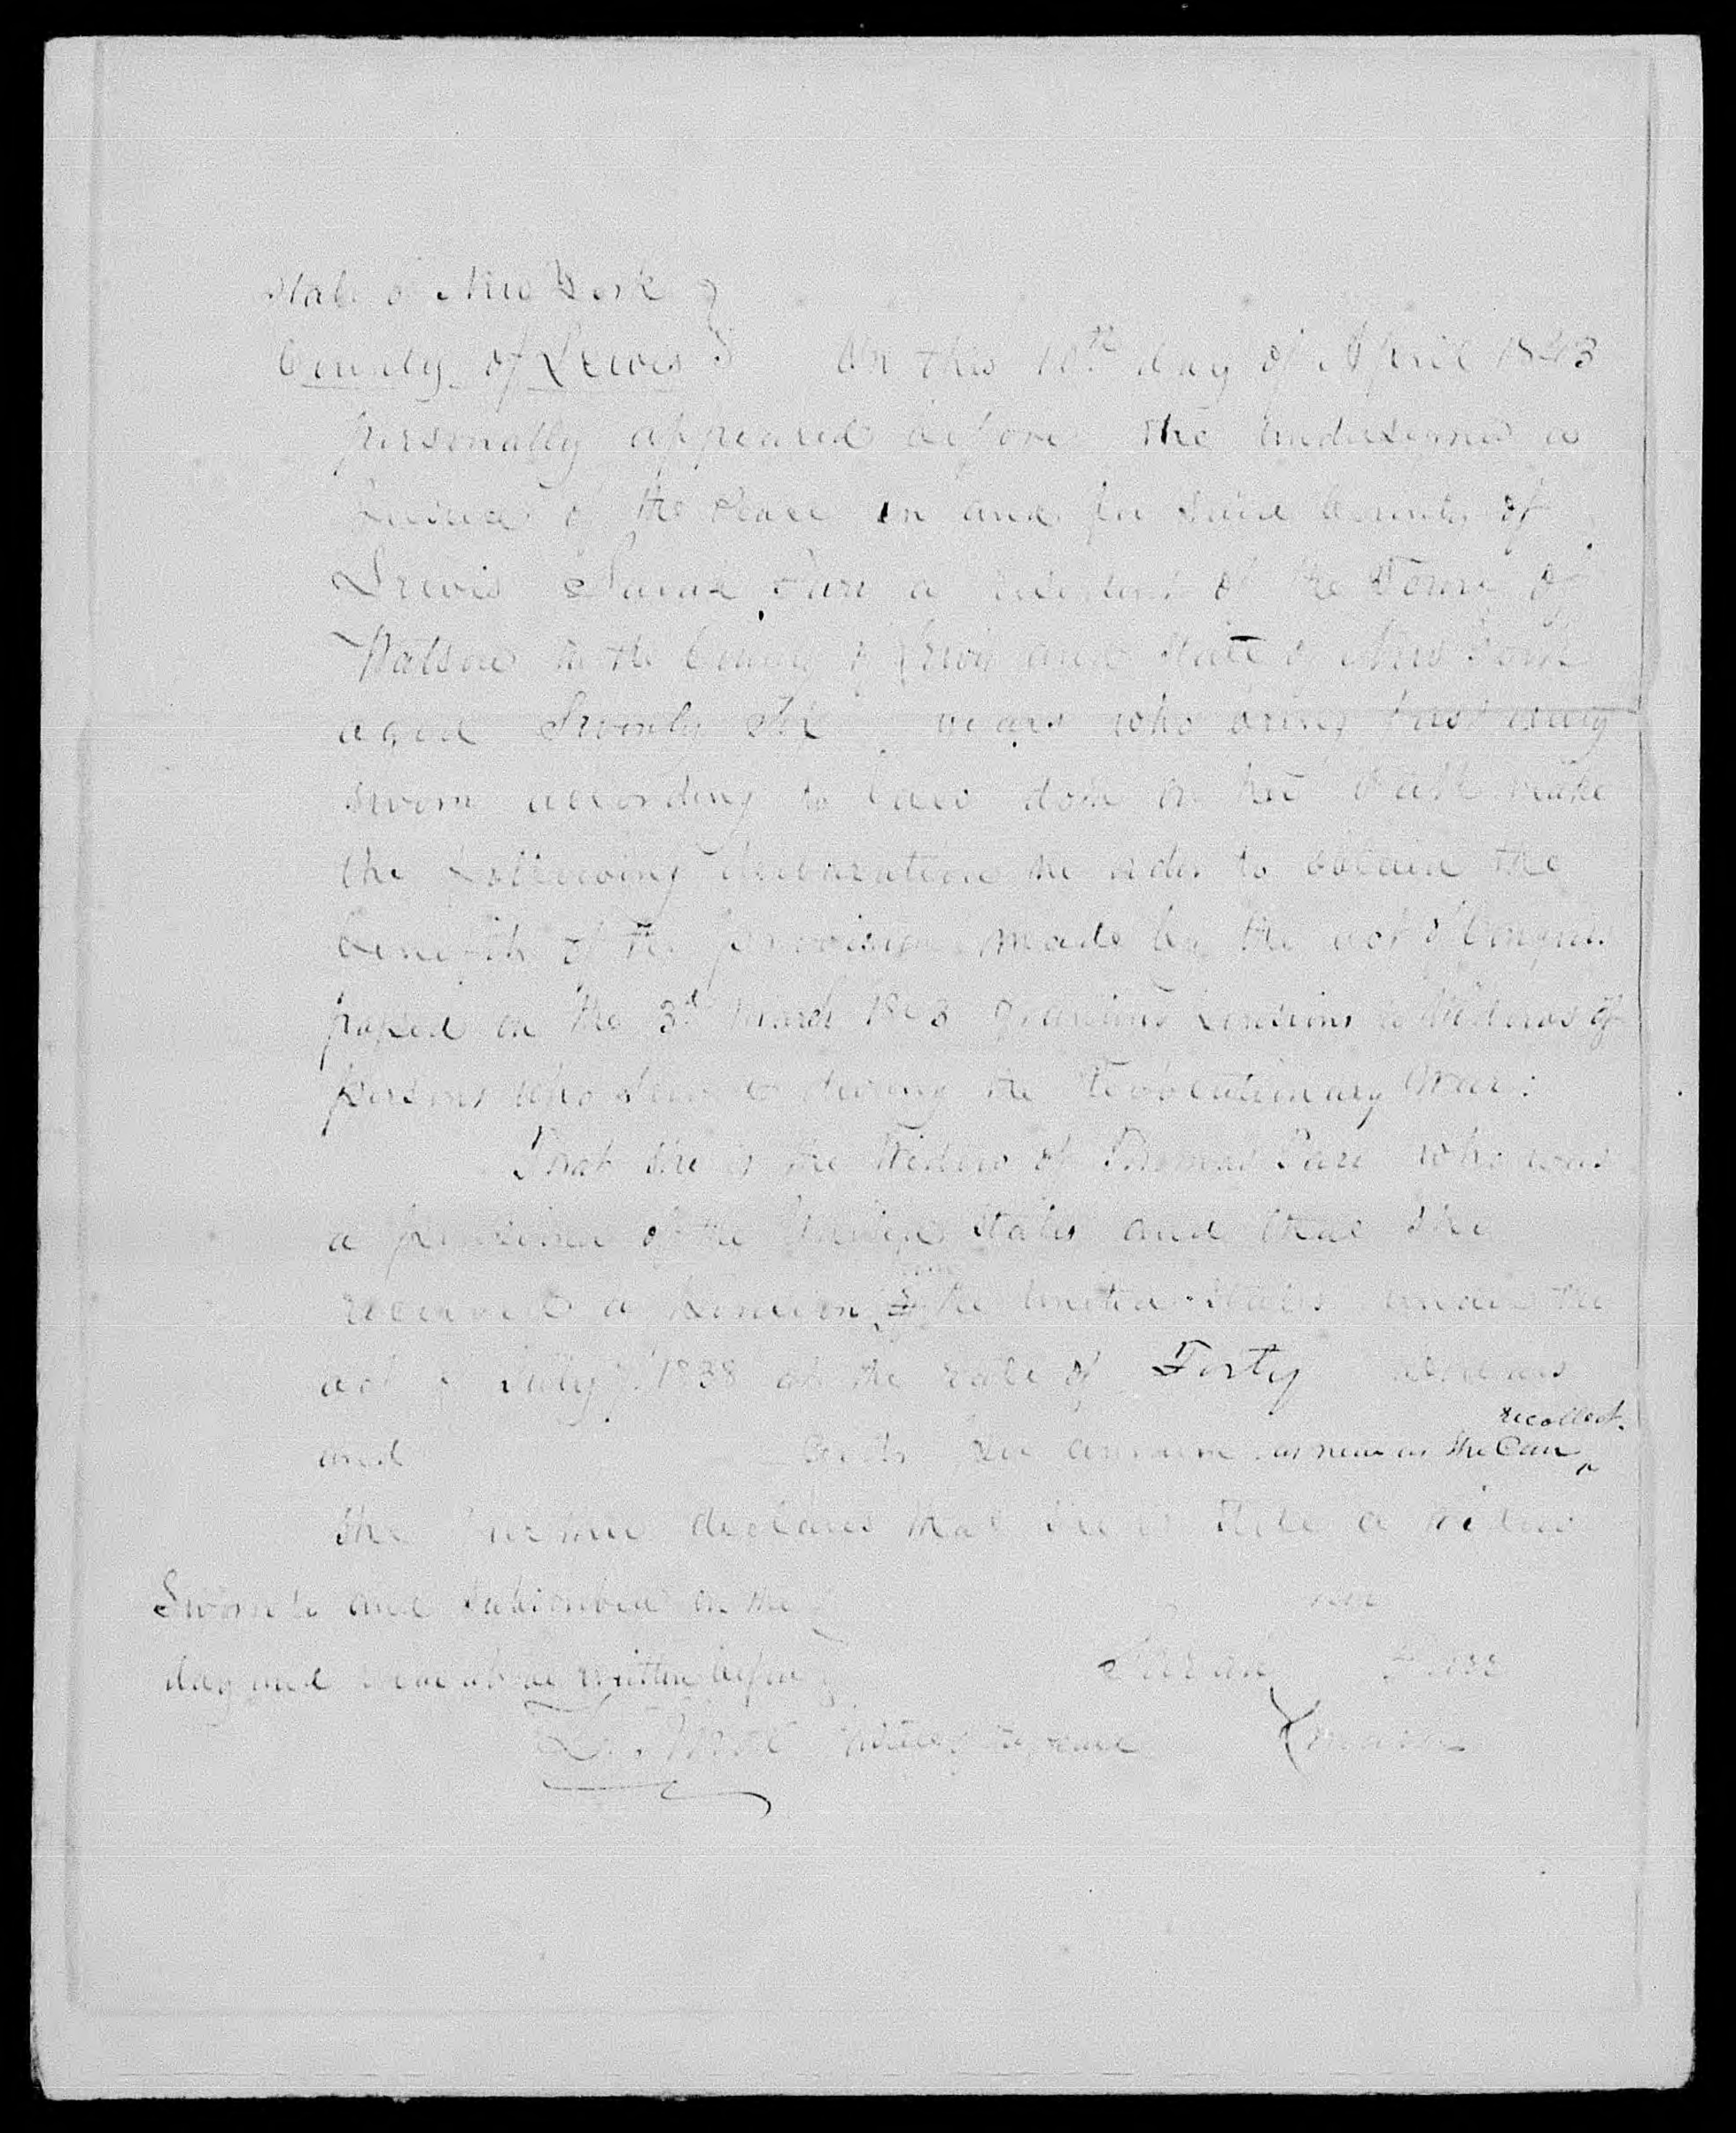State of New York
County of Lewis Ss
On this 10th day of April 1843 personally appeared before the undersigned a Justice of the Peace in and for said County of Lewis.  Sarah Farr a resident of the Town of Watson in the County of Lewis and State of New York aged seventy six and who being first duly sworn according to law doth on her oath make the following declaration in order to obtain the benefit of the pension made by the Act of Congress passed on the 3d March 1803 granting pensions to Widows of Pensioners who served during the Revolutionary War:  
Sarah Farr is the Widow of Thomas Farr who was a pensioner of the United States and that she received a pension from the United States under the act of July 1838 at the rate of Forty Dollars and - Cents per annum illegible.  She further declares that she is still a widow.
Sarah Farr
Her Mark
Sworn and Subscribed on the day and year written before 
Z. Knox  Justice of Peace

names: Thomas Farr, Z Knox, Sarah Farr, Lewis Sarah Farr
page: 45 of 46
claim: widow's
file: W. 23022, Thomas Farr, N.H.